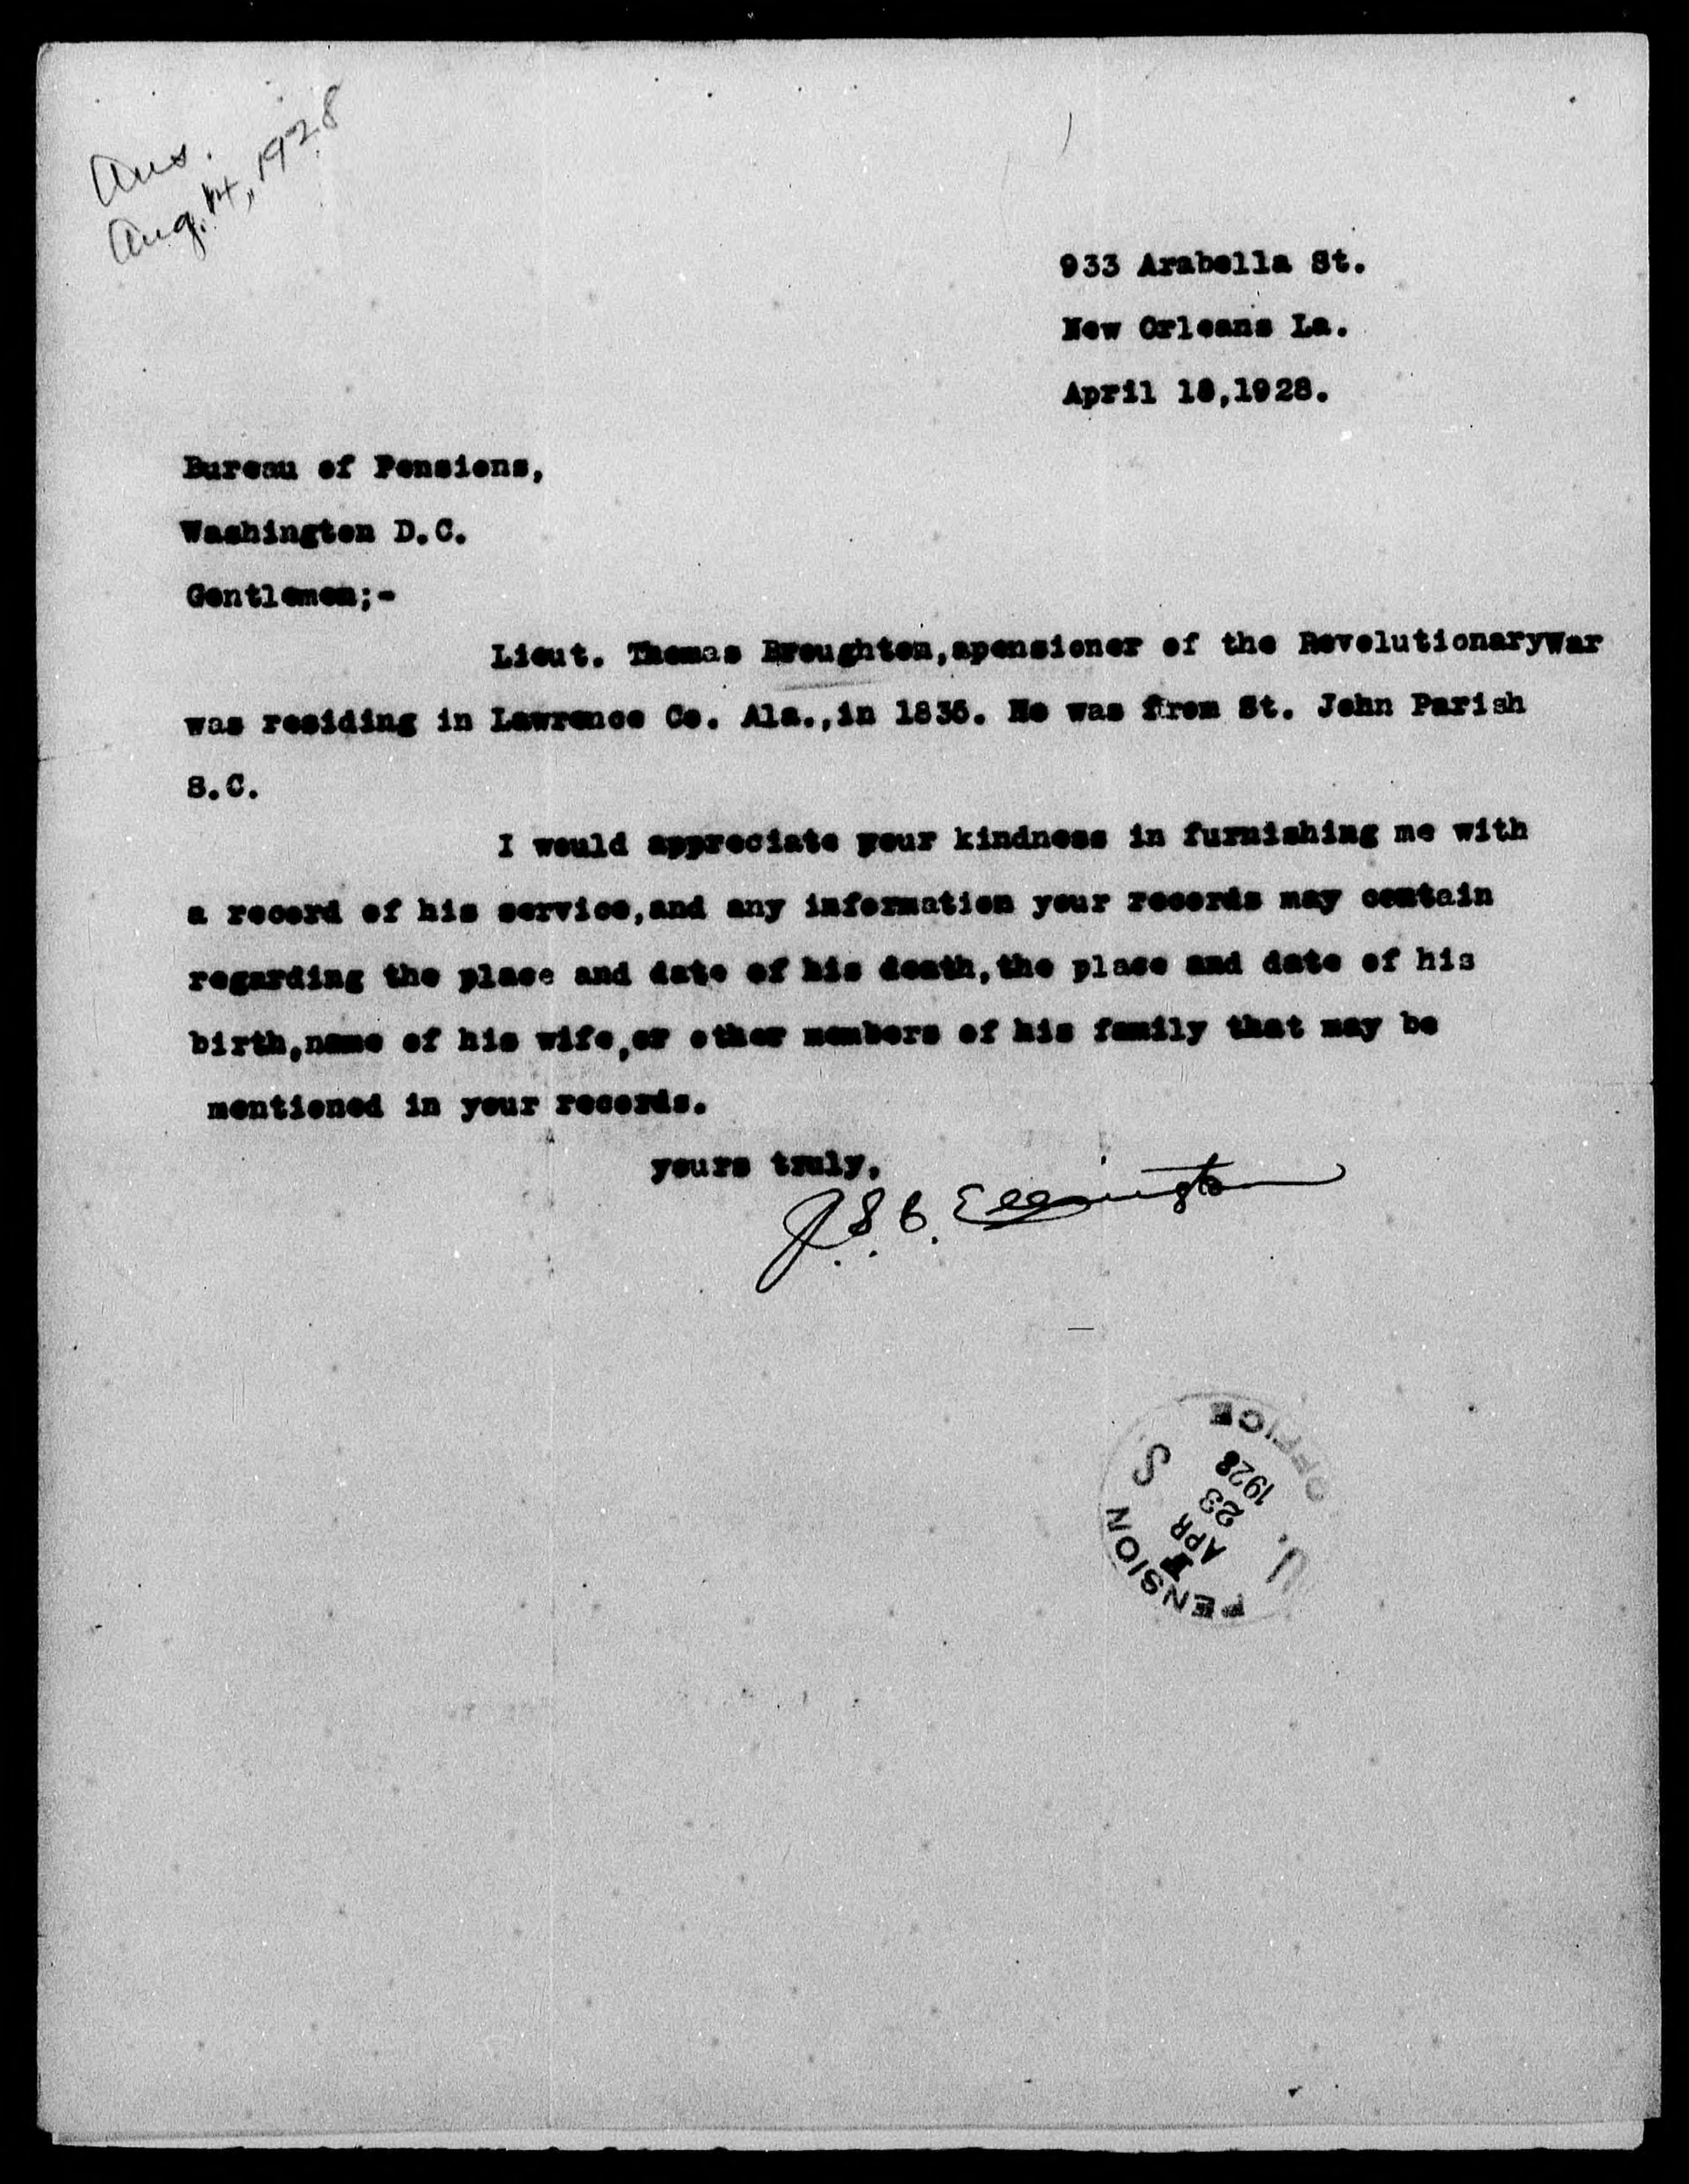Aus.
Aug. 14, 1928

1933 Arabella St.
New Orleans, La.
April 19, 1928.

Bureau of Pensions,
Washington D.C.

Gentlemen; - 

Lieut. Thomas Broughton, apensioner of the RevolutionaryWar
was residing  Lawence Co. Ala., in 1836. He was from St. John Parish
S. C.

I would appreciate your kindness in furnishing me with
a record of his service, and any information your records may contain
regarding the place and date of his death, the place and date of his
birth, name  of his wife, or other members of his family that may be
mentioned in your records.

yours truly,
J. S. C. Edgington

[stamp]
PENSION
F
APR
23
1928
OFFICE
U . S.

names: Thomas Broughton, J S C Ellington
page: 66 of 72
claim: widow's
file: W. 897, Thomas Broughton, S.C.